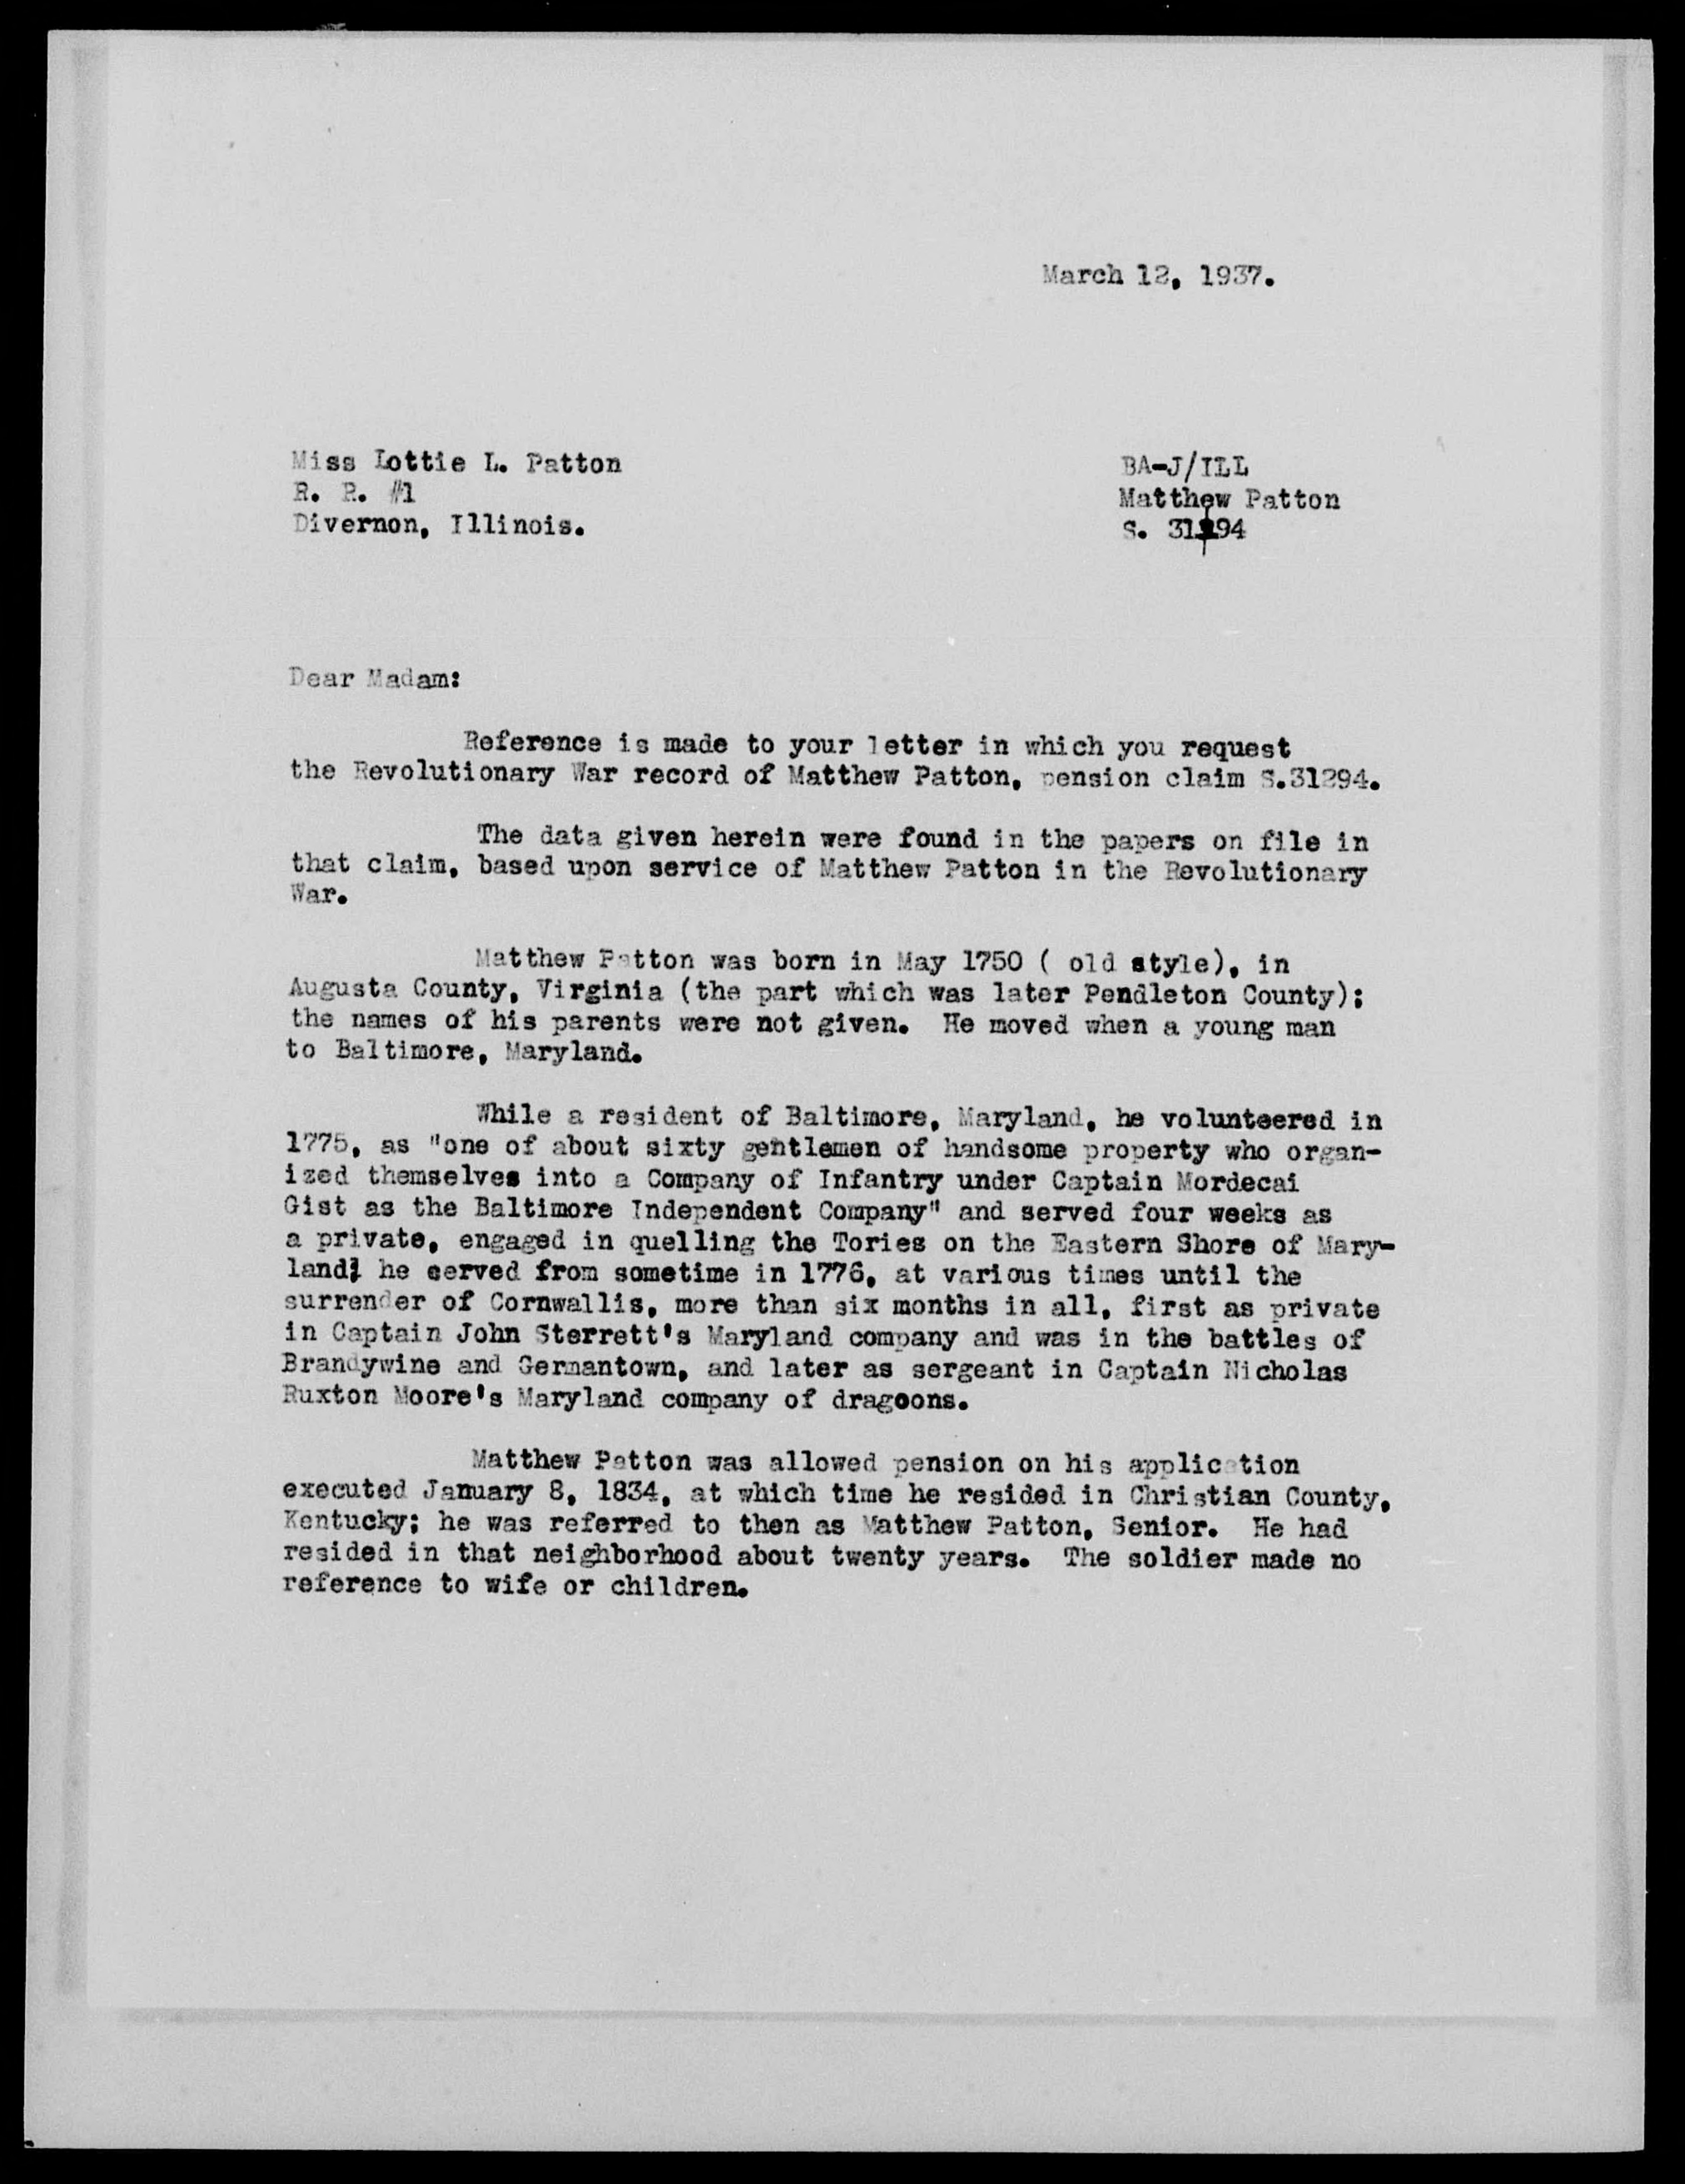March 12, 1937.
Miss Lottie L. Patton
R. R. #1
Divernon, Illinois.
BA-J/ILL
Matthew Patton
S. 31294

Dear Madam:

Reference is made to your letter in which you request the Revolutionary War record of Matthew Patton, pension claim S. 31294.

The data given herein were found in the papers on file in that claim, based upon service of Matthew Patton in the Revolutionary War.

Matthew Patton was born in May 1750 (old style), in Augusta County, Virginia (the part which was later Pendleton County);
the names of his parents were not given. He moved when a young man to Baltimore, Maryland. 

While a resident of Baltimore, Maryland, he volunteered in 1775, as "one of about sixty gentlemen of handsome property who organized themselves into a company of Infantry under Captain Mordecai
Gist as the Baltimore Independent Company " and served four weeks as a
private engaged in quelling the Tories on the Eastern Shore of Maryland; he served from sometime in 1776, at various times until the
surrender of Cornwallis, more than six months in all, first as private in Captain John Sterrett's Maryland company and was in the battles of
Brandywine and Germantown, and later as sergeant in Captain Nicholas Ruxton Moore's Maryland company of dragoons.

Matthew Patton was allowed pension on his application executed January 8, 1834, at which time he resided in Christian County,
Kentucky; he was referred to them as Matthew Patton, Senior. He had resided in that neighborhood about twenty years. The soldier made no reference to wife or children.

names: Mordecai Gist; Matthew Patton; [BLANK] Cornwallis; Lottie L Patton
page: 13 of 45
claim: survivor's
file: S. 31294, for Matthew Patton, Maryland